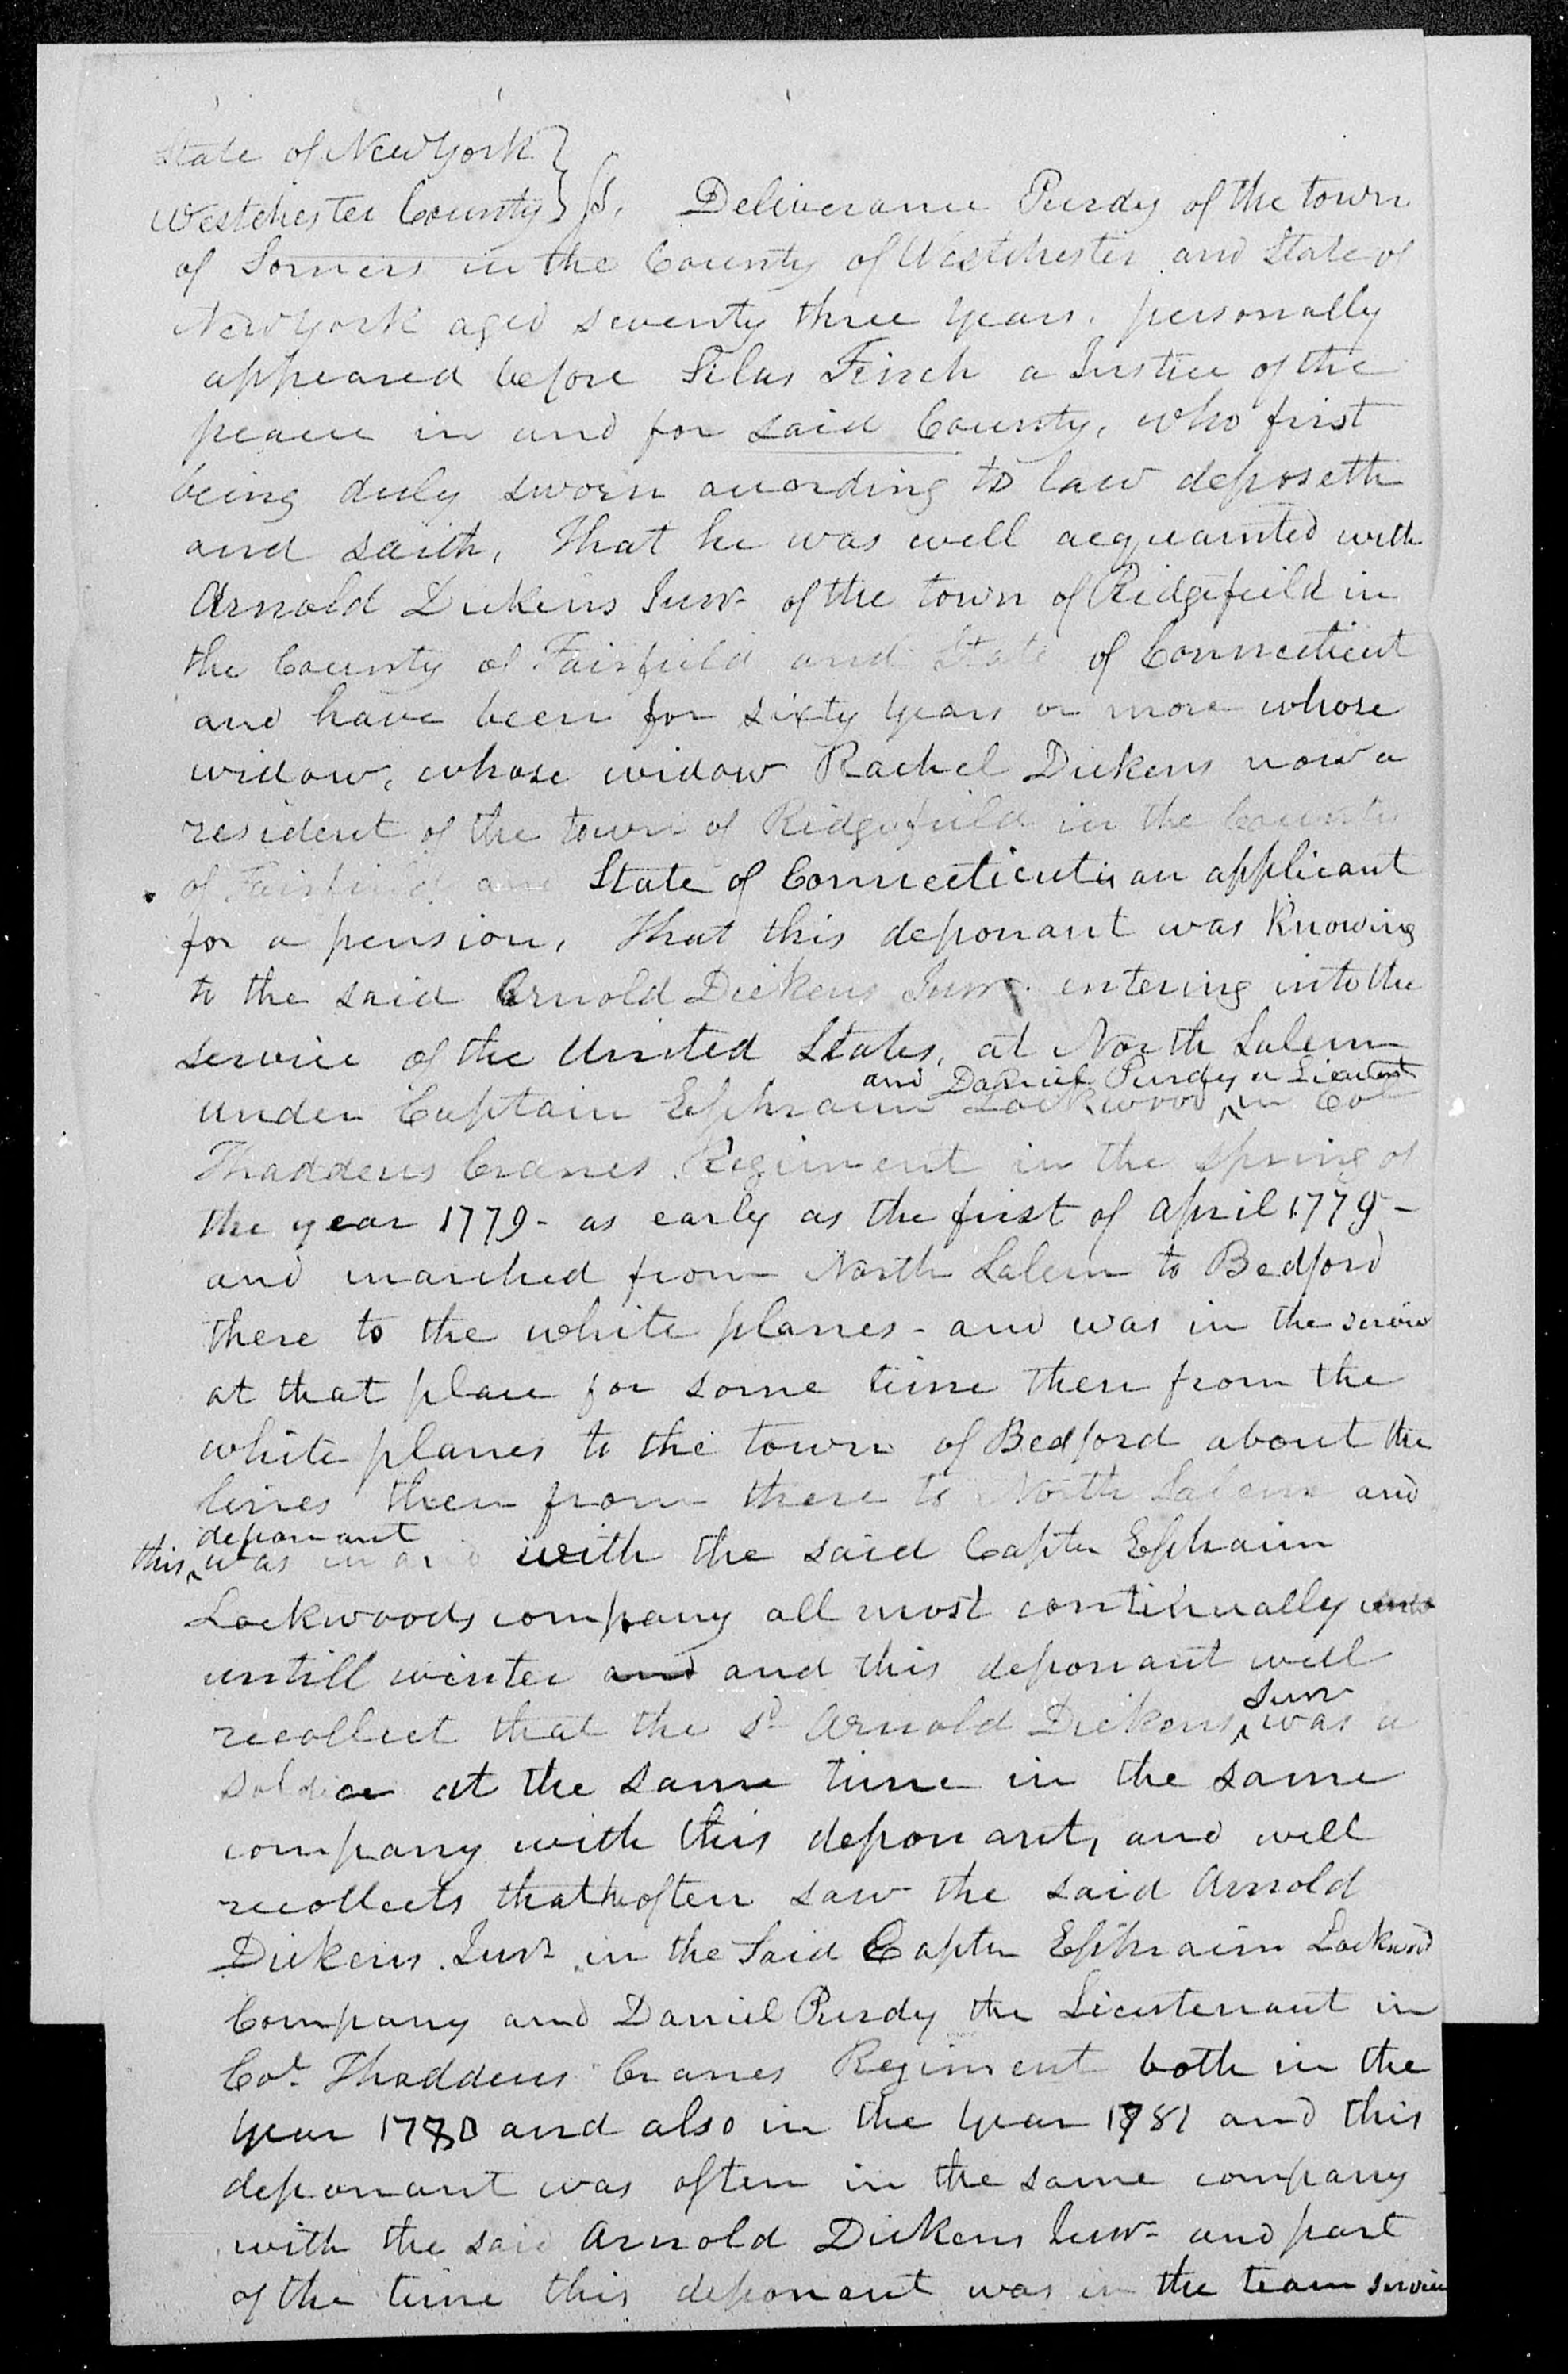State of New York}
Westchester County} SS.

Deliverance Purdy of the town of Somers in the County of Westchester and State of New York aged seventy three years, personally appeared before Silas Finch a Justice of the peace in and for said County, who first being duly sworn according to law deposeth and saith, That he was well acquainted with Arnold Dickens Junr. of the town of Ridgefield in the County of Fairfield and State of Connecticut and have been for sixty years or more whose widow, whose widow [sic] Rachel Dickens now a resident of the town of Ridgefield in the County of Fairfield and State of Connecticut is an applicant for a pension.  That this deponant was knowing to the said Arnold Dickens Junr. entering into the service of the United States at North Salem under Captain Ephraim Lockwood ^ and Daniel Purdy a Lieutenant in Col. Thaddeus Cranes Regiment in the spring of the year 1779 - as early as the first of April 1779 - and and marched from North Salem to Bedford there to the white planes - and was in the service at that place for some time there from the white planes to the town of Bedford about the lines then from there to North Salem and this ^deponant was in and with the said Captn Ephaim Lockwoods company all most continually untill winter and this deponant well recollect that the sd Arnold Dickens ^Junr was a soldier at the same time in the same company with this deponant, and well recollects that he often saw the said Arnold Dickens Junr. in the said Captn  Ephraim Lockwood Company and Daniel Purdy the Lieutenant in Col. Thaddeus Cranes Regiment both in the year 1780 and also in the year 1781 and this deponant was often in the same company with the said Arnold Dickens Junr. and part of the time this deponant was in the team service  [end of page]

Copyists note:  Copied as per original document including errors.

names: Daniel Purdy, Silas Finch, Arnold Dickins, Arnold Dickens, Arnold Dickens, Deliverance Purdy, Daniel Purdy, Arnold Dickens, Rachel Dickens, Arnold Dickens, Ephraim Lockwood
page: 24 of 29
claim: widow's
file: W. 17720, Arnold Dickens, New York